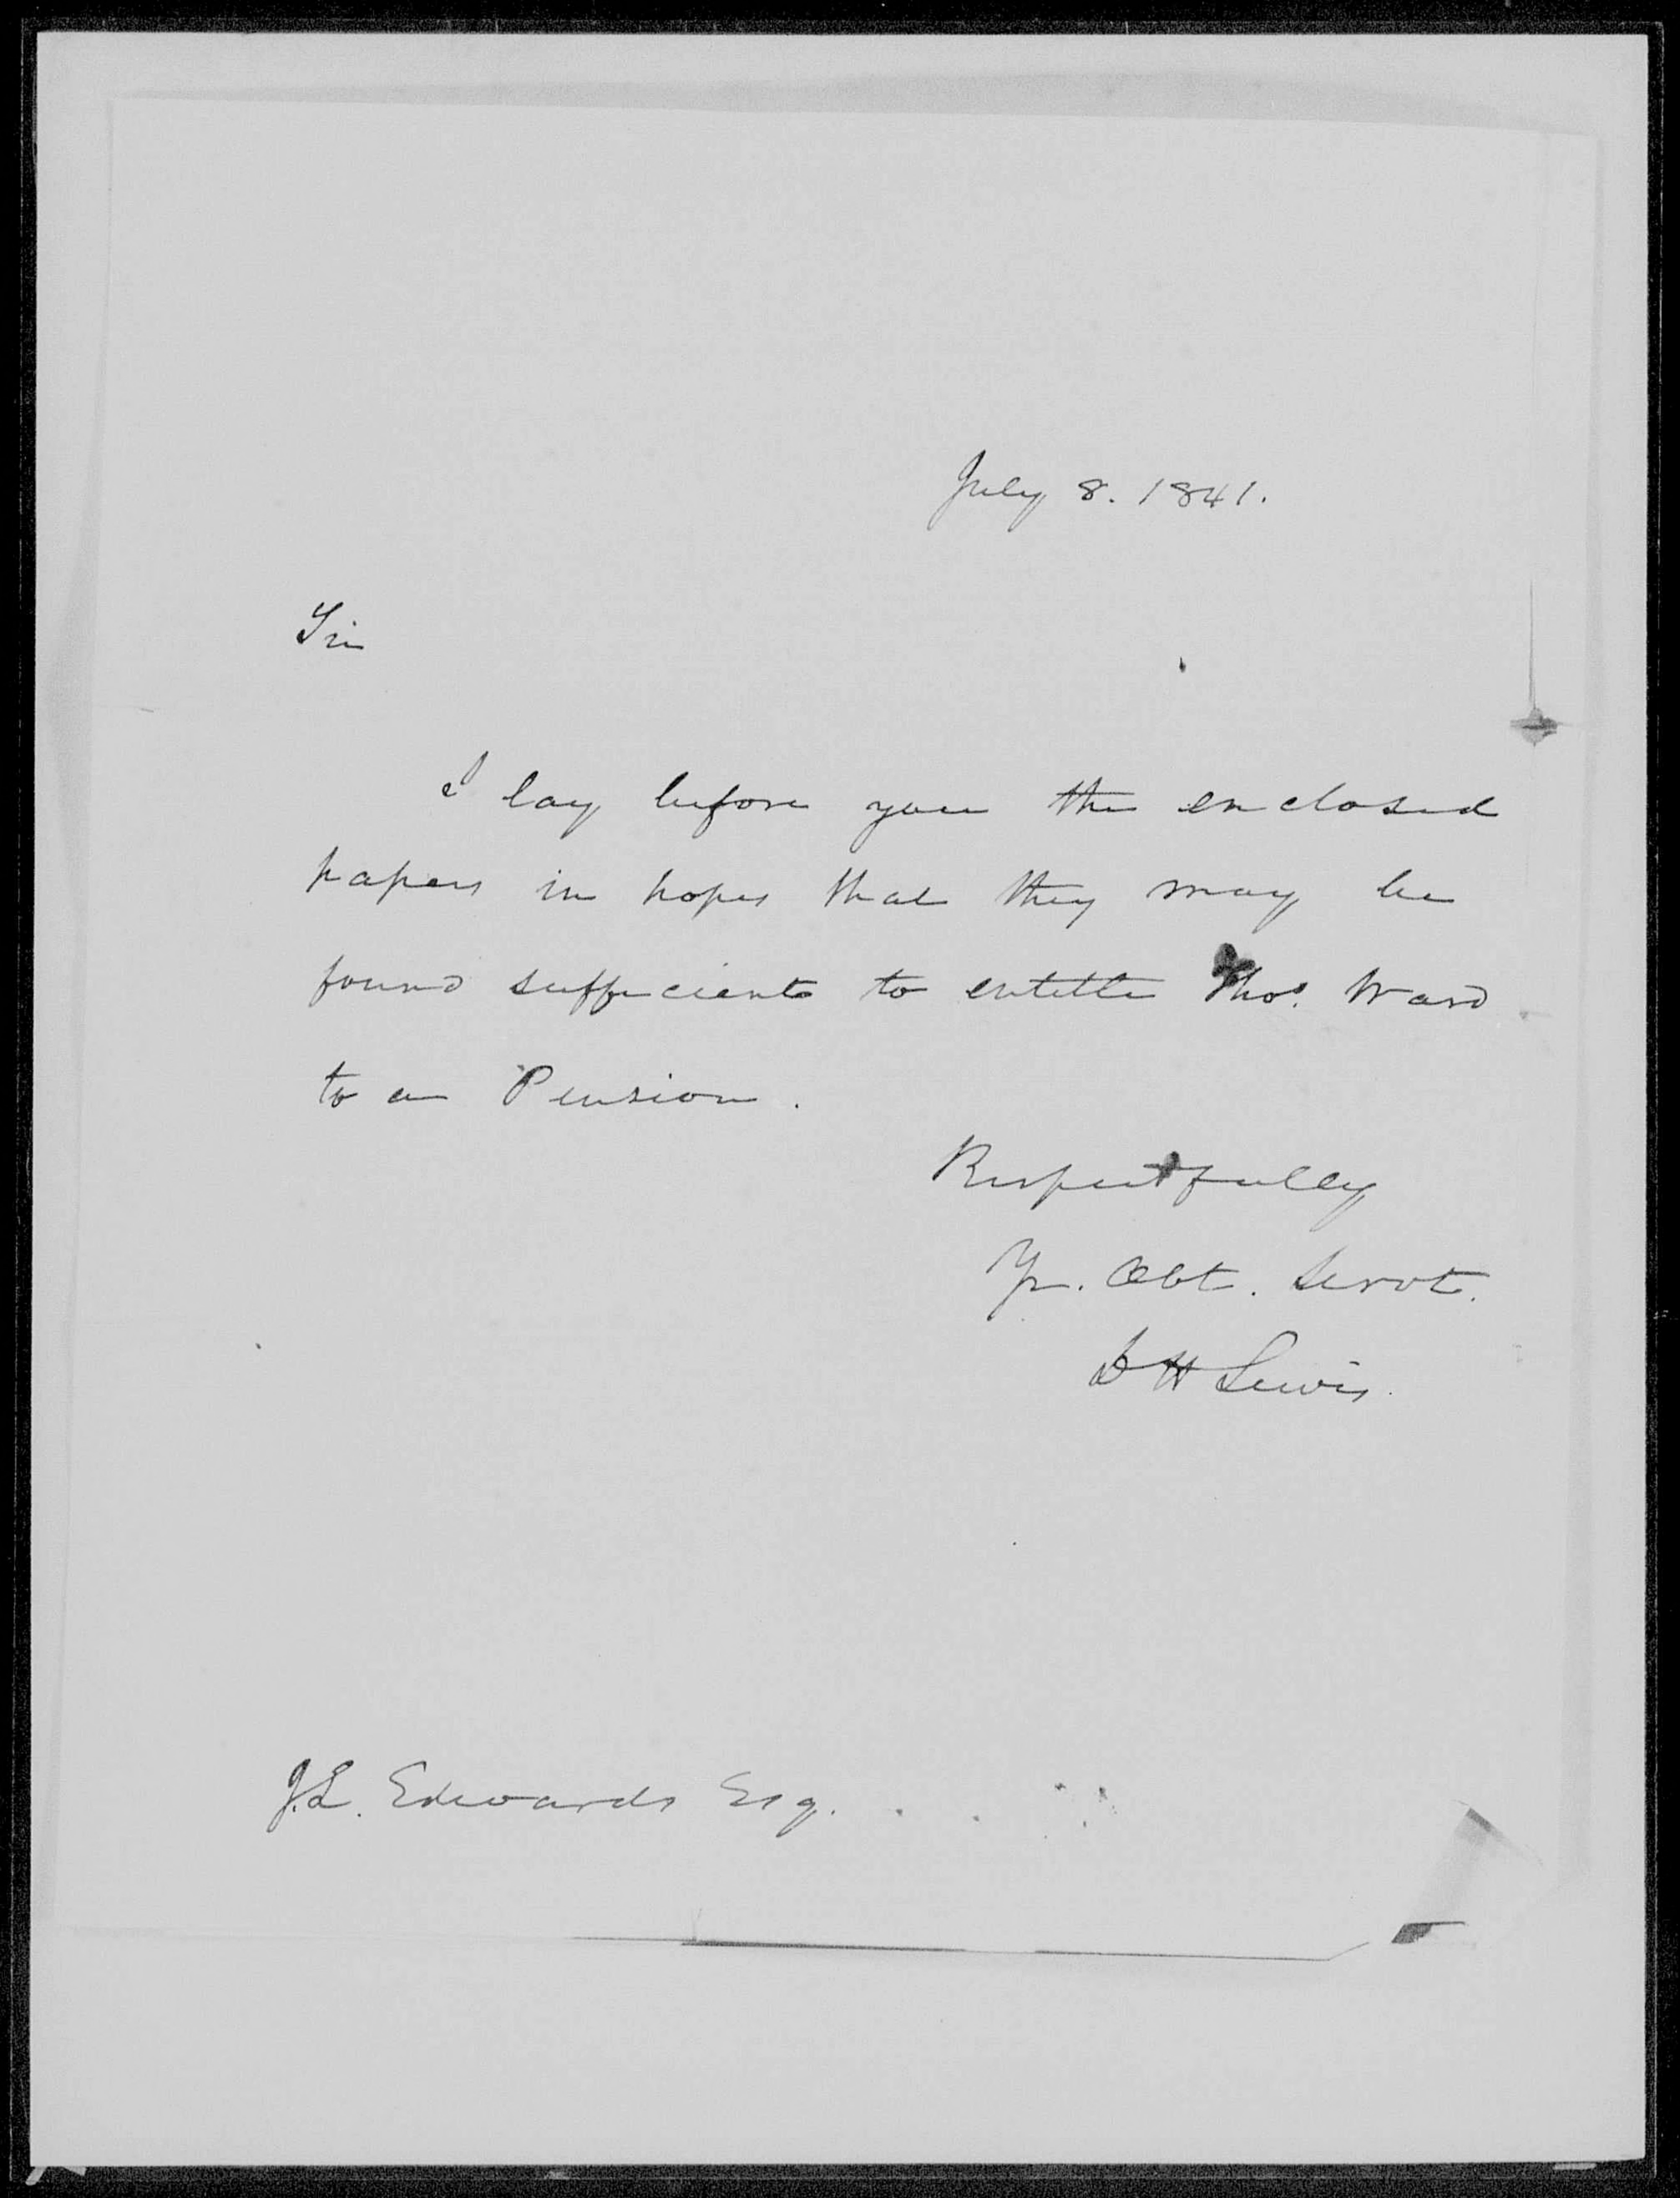July 8.  1841.
Sir
I lay before you the enclosed papers in hopes that they may be found sufficient to entitle Thos. Ward to a Pension.
Respectfully
Yr. Obt. Servt.
D H Lewis



J.L. Edwards  Esq.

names: D H Lewis, Thos Ward, J L Edwards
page: 19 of 31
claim: survivor's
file: S. 14802, Thomas Ward, S.C.